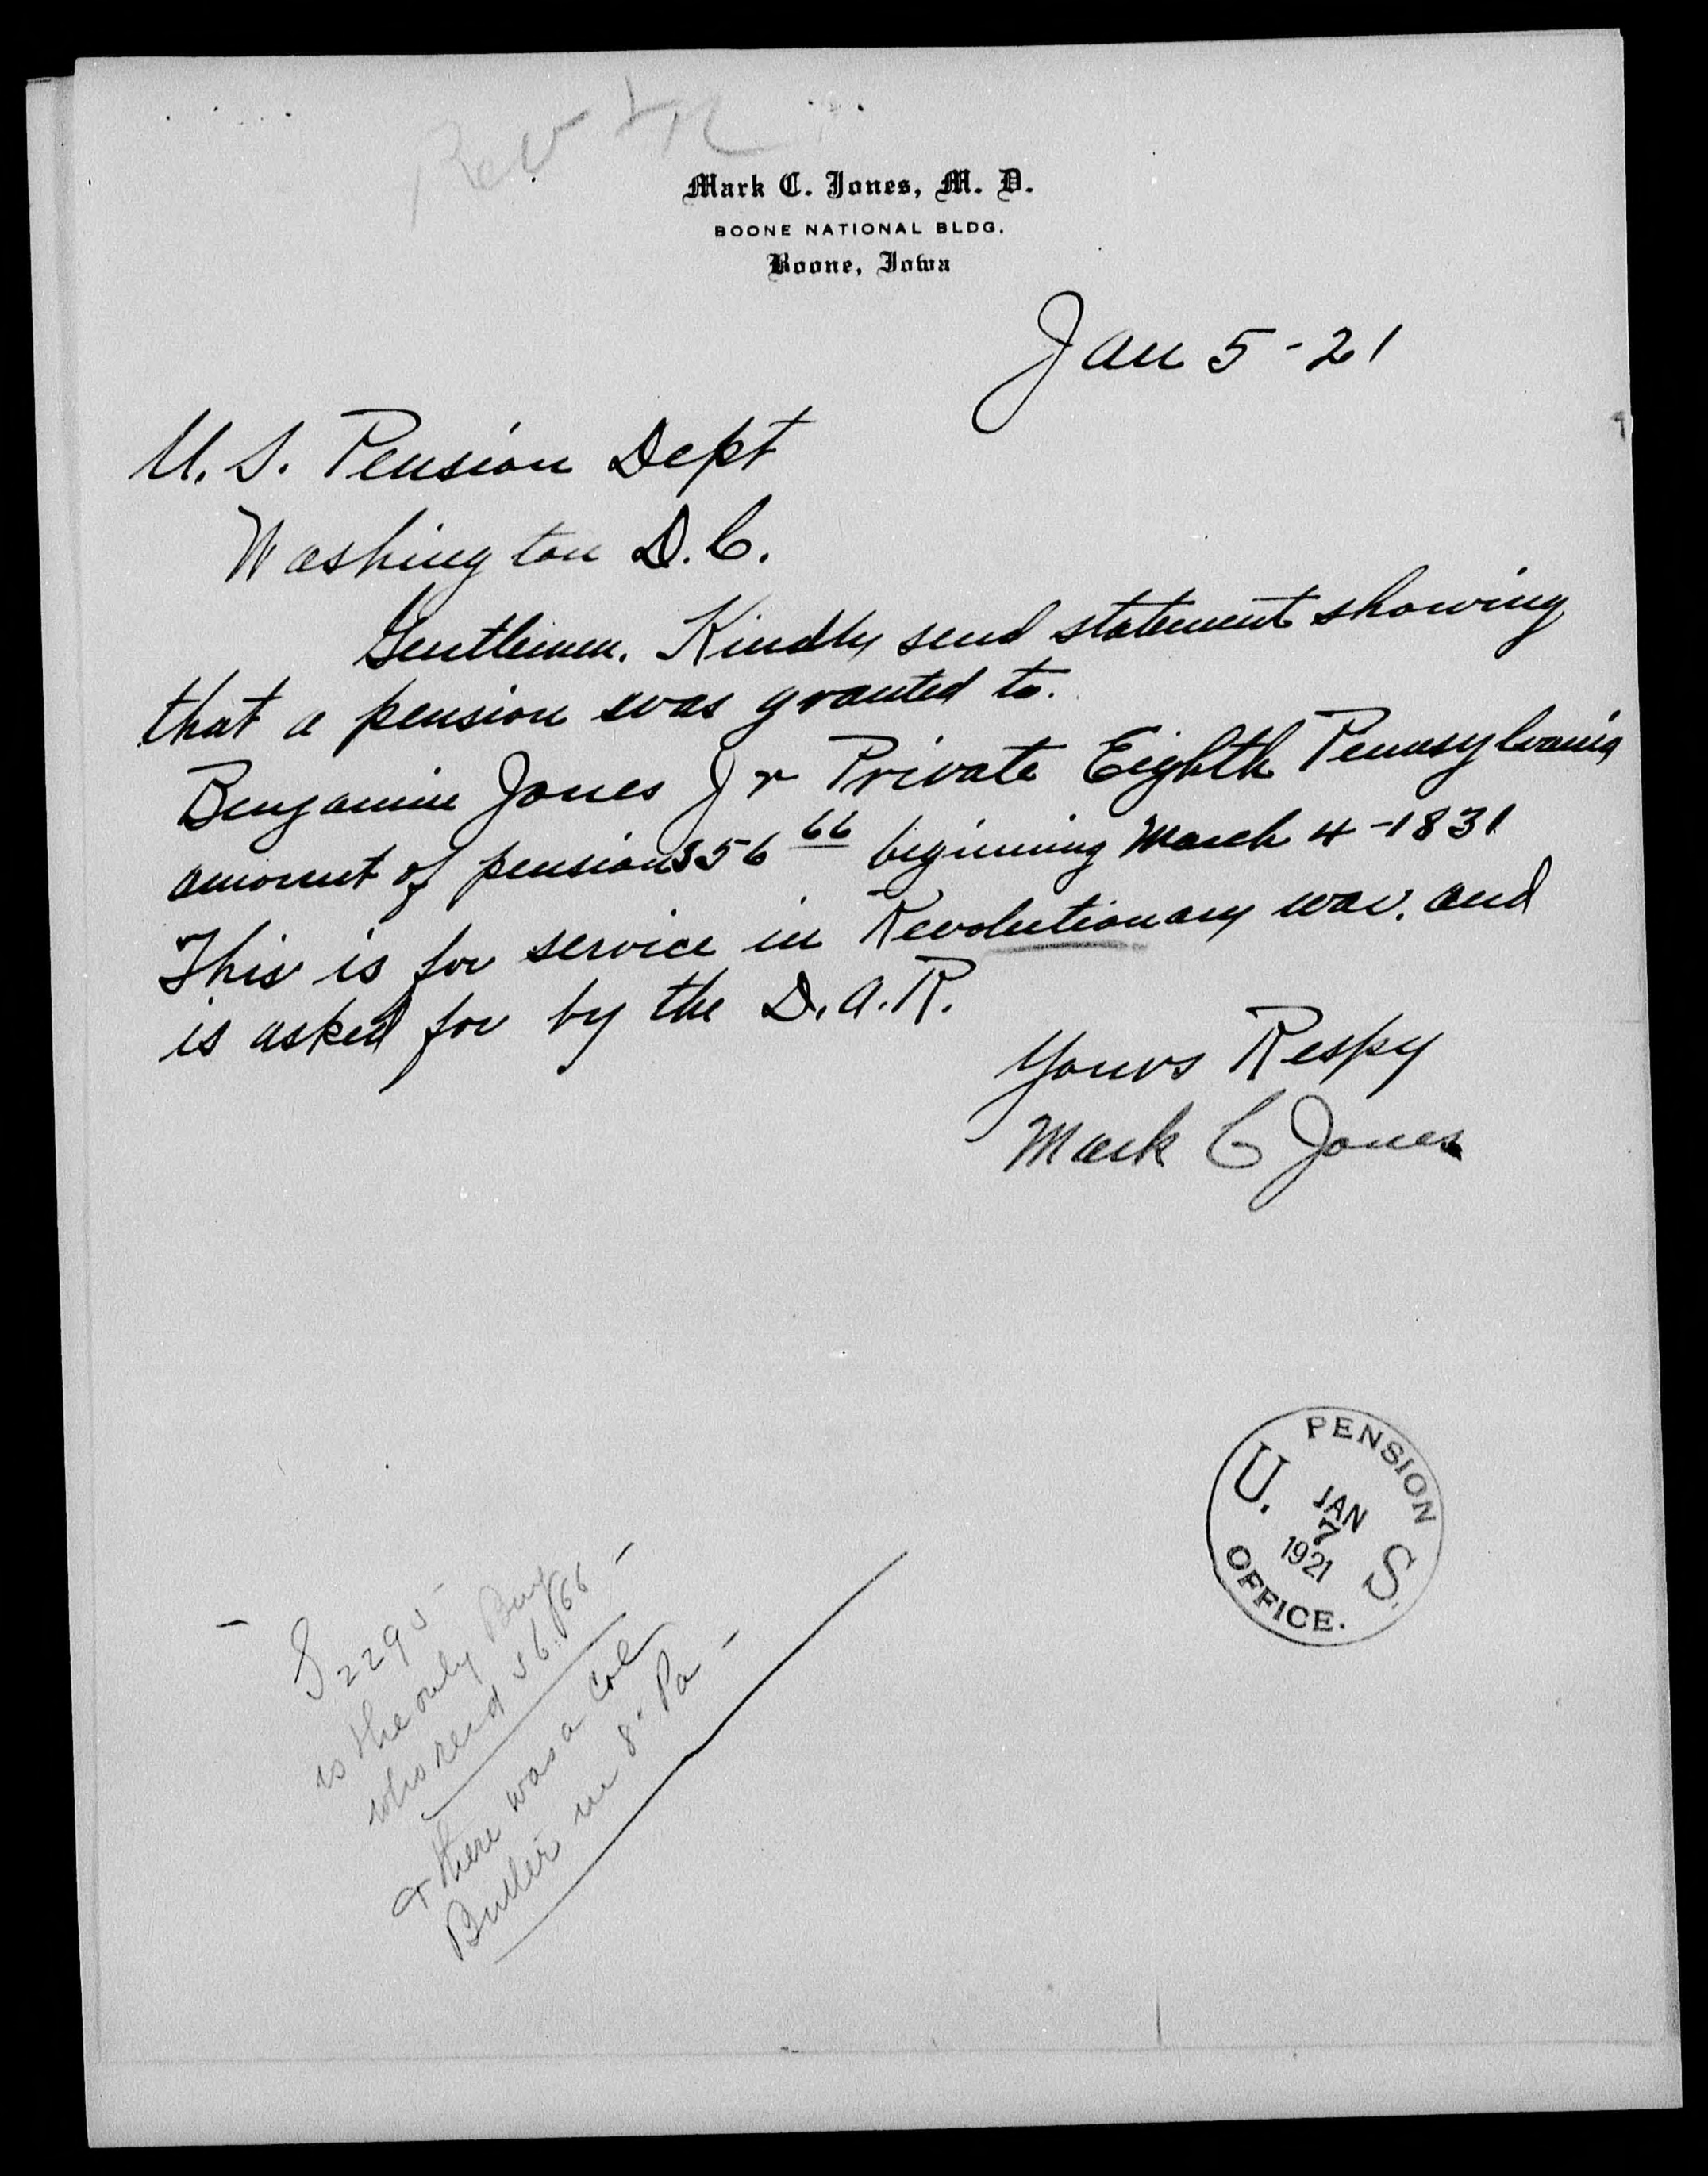Mark C. Jones, M. B.
BOONE NATIONAL BLDG.
Boone, Iowa

Jan 5.21

U.S. Pension Dept
Washington D.C.

Gentlemen, Kindly send statement showing that a pension was granted to Benjamin Jones, Jr., Private Eighth Pennsylvania.
Amount of pensions $56.66 beginning March 4 1831.
This is for service in Revolutionary war, and
is asked for by the D.A.R.
Yours Respy
Mark C. Jones

[circular stamp: US PENSION OFFICE JAN 7 1921 ]

[Handwritten notation:  S2295 is the only Benj. who rec'd 56.66 -  & there was a Col. Butler in 8 Pa.]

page: 8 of 10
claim: survivor's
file: S. 2295, for Benjamin Jones, New York